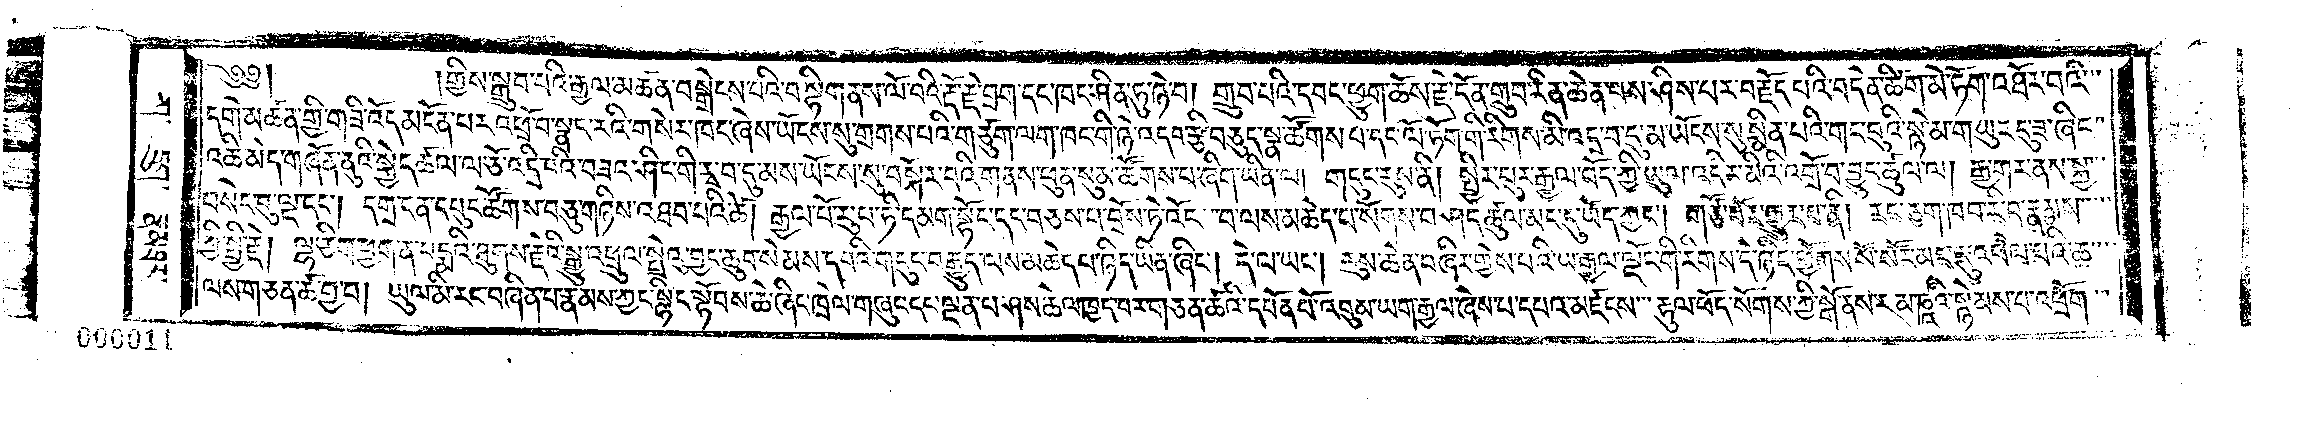༄༅། །གྱིས་སྒྲུབ་པའི་རྒྱལ་མཚན་བསྒྲེངས་པའི་བསྟི་གནས་ལོ་བའི་རྡོ་རྗེ་བྲག་དང་ཁད་ཤིན་ཏུ་ཉེ་བ། གྲུབ་པའི་དབང་ཕྱུག་ཆོས་རྗེ་དོན་གྲུབ་རིན་ཆེན་པས་ཤིས་པར་བརྗོད་པའི་བདེན་ཚིག་མེ་ཏོག་འཐོར་བའི་
དགེ་མཚན་གྱི་གཟི་འོད་མངོན་པར་འཕྲོ་བ་སྣང་རའི་གསེར་ཁང་ཞེས་ཡོངས་སུ་གྲགས་པའི་གཙུག་ལག་ཁང་གི་ཉེ་འདབ་རྩི་བཅུད་སྣ་ཚོགས་པ་དང་ལེ་ཏོག་གི་རིགས་མི་འདྲ་པ་དུ་མ་ཡོངས་སུ་སྨིན་པའི་གང་བུའི་སྙེ་མ་གཡུར་དུ་ཟ་ཞིང་
འཆི་མེད་གཞོན་ནུའི་སྐྱེད་ཚལ་ལ་ཅོ་འདྲི་བའི་བཟའ་ཤིང་གི་རྭ་བ་དུ་མས་ཡོངས་སུ་བསྐོར་བའི་གནས་ཕུན་སུམ་ཚོགས་པ་ཞིག་ཡིན་ལ། གདུང་རུས་ནི། སྤྱིར་པུར་རྒྱལ་བོད་ཀྱི་ཡུལ་འདིར་མིའི་འགྲོ་བ་བྱུང་ཚུལ་ལ། རྒྱ་གར་ནས་སྐྱ་
བསེང་བུ་ལྔ་དང་། དགྲ་ངན་དཔུང་ཚོགས་བཅུ་གཉིས་འཐབ་པའི་ཚེ། རྒྱལ་པོ་རུ་པ་ཧི་དམག་སྟོང་དང་བཅས་པ་བྲོས་ཏེ་འོང་པ་ལས་མཆེད་པ་སོགས་བཤད་ཚུལ་མང་དུ་ཡོད་ཀྱང་། གཙོ་བོར་གྱུར་པ་ནི། རང་ཅག་ཁ་བ་རི་བ་རྣམས་
ཀྱི་སྤྱི་རྗེ། ལྷ་ཅིག་ཕྱག་ན་པདམའི་ཐུགས་རྗེའི་སྒྱུ་འཕྲུལ་སྤྲེའུ་བྱང་ཆུབ་སེམས་དཔའི་གདུང་བརྒྱུད་ལས་མཆེད་པ་ཉིད་ཡིན་ཞིང་། དེ་ལ་ཡང་། རུས་ཆེན་བཞིར་གྱེས་པའི་ཡ་རྒྱལ་ལྡོང་གི་རིགས་དེ་ཉིད་ཕྱོགས་སོ་སོར་མང་དུ་འཕེལ་པའི་ཆ་
ལས་གཅན་ཚ་བྱ་བ། ཡུལ་མི་རང་བཞིན་པ་རྣམས་ཀྱང་སྙིང་སྟོབས་ཆེ་ཞིང་ཁྲེལ་གཞུང་དང་ལྡན་པ་ཤས་ཆེ་ལ་ཁྱད་པར་གཅན་ཚའི་དཔོན་པོ་འབུམ་ཡག་རྒྱལ་ཞེས་པ་དཔའ་མཛངས་རྟུལ་ཕོད་སོགས་ཀྱི་སྒོ་ནས་ར་མ་ཎཱའི་སྙེམས་པ་འཕྲོག་